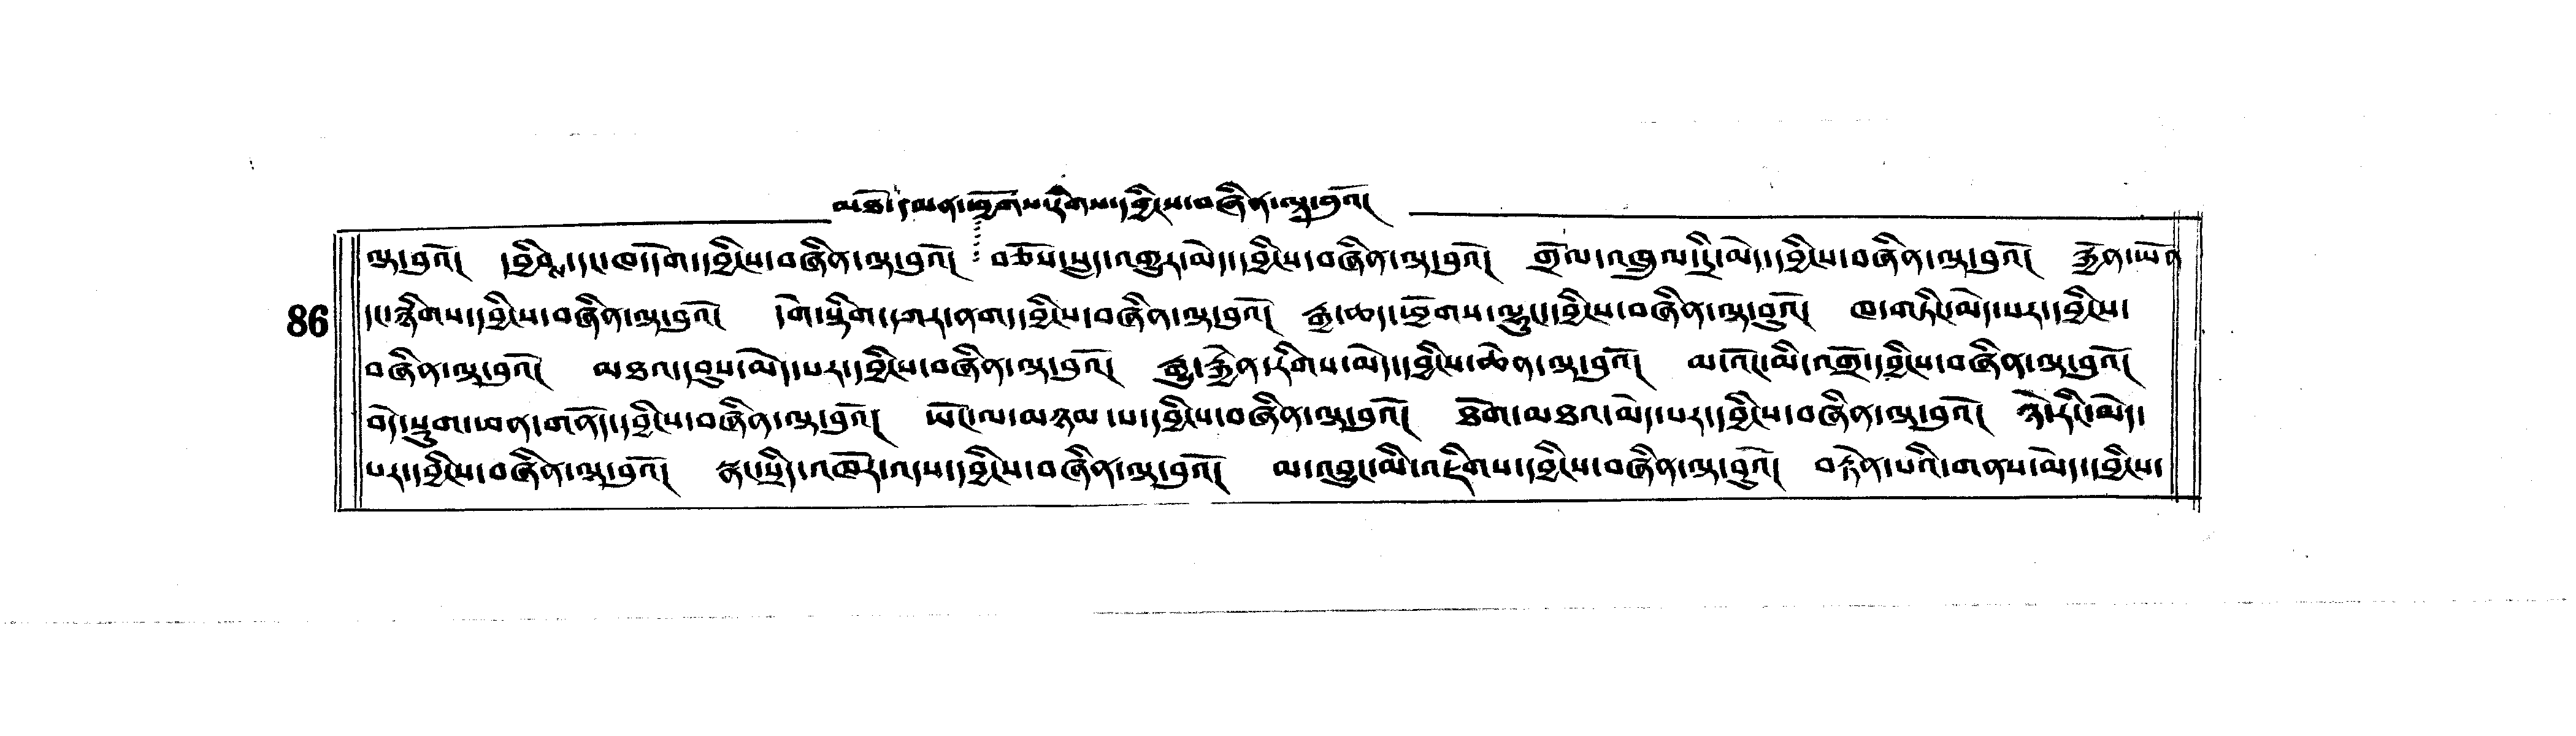ལྟ་བུའོ། དབྱིབས་དང་ཁ་ཐོག་དབྱིངས་བཞིན་ལྟ་བུའོ། མཐོ་དམན་ཕྱོགས་རིགས་དབྱིངས་བཞིན་ལྟ་བུའོ། སྐྱོན་ཡོན་
དང་སྙིགས་དབྱིངས་བཞིན་ལྟ་བུའོ། དགེ་སྡིག་དཀར་ནག་དབྱིངས་བཞིན་ལྟ་བུའོ། རྒྱ་ཆད་ཕྱོགས་ལྷུང་དབྱིངས་བཞིན་ལྟ་བུའོ། ཁ་གཏིང་མེད་པར་དབྱིངས་
བཞིན་ལྟ་བུའོ། བདེ་སྡུག་ཕན་གནོད་དབྱིངས་བཞིན་ལྟ་བུའོ། ཡོངས་ལ་མཉམ་པ་དབྱིངས་བཞིན་ལྟ་བུའོ། ཐོག་མཐའ་མེད་པ་དབྱིངས་བཞིན་ལྟ་བུའོ། ཉེ་རིང་མེད་
པ་དབྱིངས་བཞིན་ལྟ་བུའོ། སྣང་སྲིད་འཁོར་འདས་དབྱིངས་བཞིན་ལྟ་བུའོ། མ་འབྱུང་མི་འཇིག་དབྱིངས་བཞིན་ལྟ་བུའོ། བརྟེན་པའི་གནས་མེད་དབྱིངས་